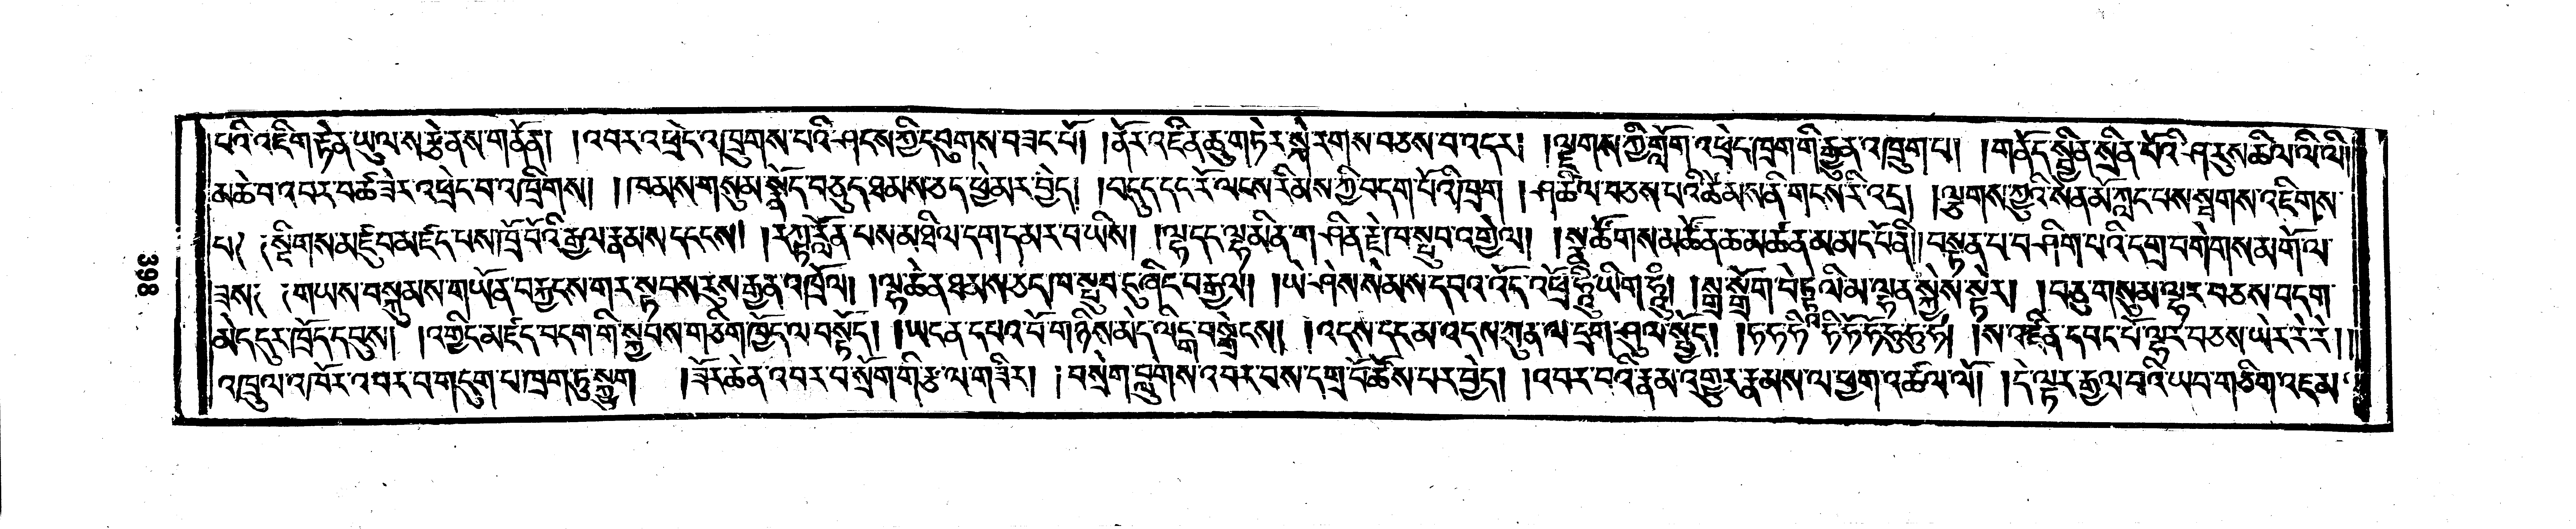པའི་འཇིག་རྟེན་ཡུལ་ས་རྩེ་ནས་གནོན། །འབར་འཕྲེང་འཁྲུགས་པའི་ཤངས་ཀྱི་དབུགས་བཟང་པོ། །ནོར་འཛིན་ཆུ་གཏེར་སྐེ་རགས་བཅས་བ་འདར། །ལྗགས་ཀྱི་གློག་འཕྲེང་ཁྲག་གི་རྒྱུན་འཁྲུག་པ། །གནོད་སྦྱིན་སྲིན་པོའི་ཤ་རུས་ཆིལ་ལི་ལི།
མཆེ་བ་འབར་བ་ཚ་ཟེར་འཕྲེང་བ་འཁྲིགས། །ཁམས་གསུམ་སྣོད་བཅུད་ཐམས་ཅད་ཕྱེ་མར་བྱེད། །བདུད་དང་རོ་ལངས་རིམས་ཀྱི་བདག་པོའི་ཁྲག །ཤ་ཚིལ་བཅས་པའི་ཚེམས་ནི་གངས་རི་འདྲ། །ལྕགས་ཀྱུའི་སེན་མོ་ཀླང་པས་སྦགས་འཇིགས་
པ༑ ༑སྡིགས་མཛུབ་མཛད་པས་ཁྲོ་བོའི་རྒྱལ་རྣམས་དངགས། །རཀྟ་རློན་པས་མཐིལ་དག་དམར་བ་ཡིས། །ལྷ་དང་ལྷ་མིན་གཤིན་རྗེ་ཁ་སྤུབ་འགྱེལ། །སྣ་ཚོགས་མཚོན་ཆ་མཚན་མ་མང་པོ་ནི། །བསྟན་པ་བཤིག་པའི་དགྲ་བགེགས་མགོ་ལ་
ཟས༑ ༑གཡས་བསྐུམས་གཡོན་བརྐྱངས་གར་སྟབས་རུས་རྒྱན་འཁྲོལ། །ལྷ་ཆེན་ཐམས་ཅད་ཁ་སྤུབ་དུ་ཞིང་བརྒྱལ། །ཡེ་ཤེས་སེམས་དཔའ་འོད་འཕྲོ་ཧཱུཾ་ཡིག་ཧཱུཾ། །སྒྲ་སྒྲོག་བེཏྟཱ་ལི་མ་ལྷན་སྐྱེས་སྟེར། །བཅུ་གསུམ་ལྷར་བཅས་བདག་
མེད་དུར་ཁྲོད་དབུས། །འགྱིང་མཛད་བདག་གི་སྐྱབས་གཅིག་ཁྱོད་ལ་བསྟོད། །ཡང་ན་དཔའ་བོ་གཉིས་མེད་ལིངྒ་བསྒྲེངས། །འདས་དང་མ་འདས་ཀུན་ལ་དྲག་ཤུལ་སྤྱོད། །ཧ་ཧ་ཧི་ཧི་ཧོ་ཧོ་ཧུ་ཧུ་ཧེ། །ས་འཛིན་དབང་པོ་ལྷར་བཅས་ཡེར་རེ་རེ། །
འཁྲུལ་འཁོར་འབར་བ་གདུག་པ་ཁྲག་ཏུ་སྐྱུག །ཟོར་ཆེན་འབར་བ་སྲོག་གི་རྩ་ལ་གཟིར། །བསྲེག་བླུགས་འབར་བས་དགྲ་པོ་ཆོས་པར་བྱེད། །འབར་བའི་རྣམ་འགྱུར་རྣམས་ལ་ཕྱག་འཚལ་ལོ། །དེ་ལྟར་རྒྱལ་བའི་ཡབ་གཅིག་འཇམ་